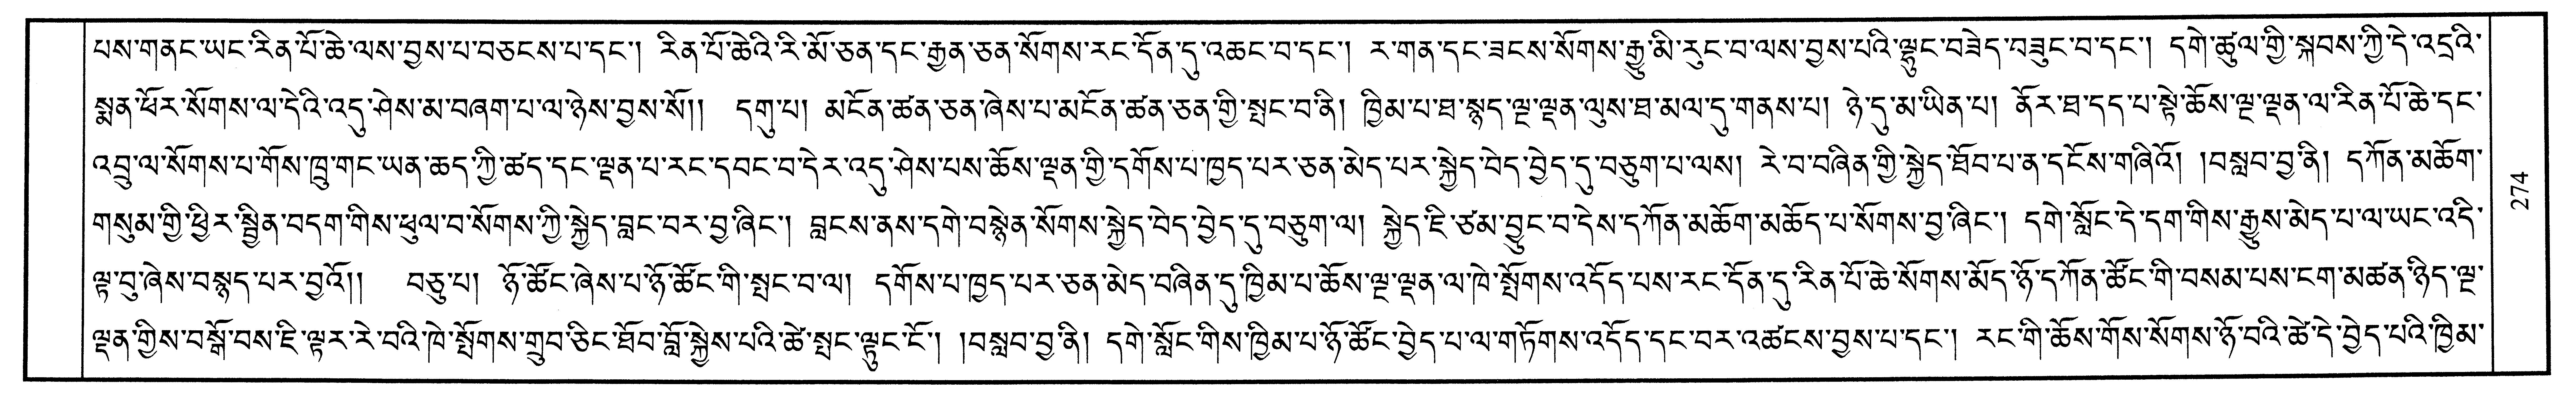པས་གནང་ཡང་རིན་པོ་ཆེ་ལས་བྱས་པ་བཅངས་པ་དང་། རིན་པོ་ཆེའི་རི་མོ་ཅན་དང་རྒྱན་ཅན་སོགས་རང་དོན་དུ་འཆང་བ་དང་། ར་གན་དང་ཟངས་སོགས་རྒྱུ་མི་རུང་བ་ལས་བྱས་པའི་ལྷུང་བཟེད་བཟུང་བ་དང་། དགེ་ཚུལ་གྱི་སྐབས་ཀྱི་དེ་འདྲའི་
སྨན་ཕོར་སོགས་ལ་དེའི་འདུ་ཤེས་མ་བཞག་པ་ལ་ཉེས་བྱས་སོ།། དགུ་པ། མངོན་ཚན་ཅན་ཞེས་པ་མངོན་ཚན་ཅན་གྱི་སྤང་བ་ནི། ཁྱིམ་པ་ཐ་སྙད་ལྔ་ལྡན་ལུས་ཐ་མལ་དུ་གནས་པ། ཉེ་དུ་མ་ཡིན་པ། ནོར་ཐ་དད་པ་སྟེ་ཆོས་ལྔ་ལྡན་ལ་རིན་པོ་ཆེ་དང་
འབྲུ་ལ་སོགས་པ་གོས་ཁྲུ་གང་ཡན་ཆད་ཀྱི་ཚད་དང་ལྡན་པ་རང་དབང་བ་དེར་འདུ་ཤེས་པས་ཆོས་ལྡན་གྱི་དགོས་པ་ཁྱད་པར་ཅན་མེད་པར་སྐྱེད་བེད་བྱེད་དུ་བཅུག་པ་ལས། རེ་བ་བཞིན་གྱི་སྐྱེད་ཐོབ་པ་ན་དངོས་གཞིའོ། །བསླབ་བྱ་ནི། དཀོན་མཆོག་
གསུམ་གྱི་ཕྱིར་སྦྱིན་བདག་གིས་ཕུལ་བ་སོགས་ཀྱི་སྐྱེད་བླང་བར་བྱ་ཞིང་། བླངས་ནས་དགེ་བསྙེན་སོགས་སྐྱེད་བེད་བྱེད་དུ་བཅུག་ལ། སྐྱེད་ཇི་ཙམ་བྱུང་བ་དེས་དཀོན་མཆོག་མཆོད་པ་སོགས་བྱ་ཞིང་། དགེ་སློང་དེ་དག་གིས་རྒྱུས་མེད་པ་ལ་ཡང་འདི་
ལྟ་བུ་ཞེས་བསྙད་པར་བྱའོ།། བཅུ་པ། ཉོ་ཚོང་ཞེས་པ་ཉོ་ཚོང་གི་སྤང་བ་ལ། དགོས་པ་ཁྱད་པར་ཅན་མེད་བཞིན་དུ་ཁྱིམ་པ་ཆོས་ལྔ་ལྡན་ལ་ཁེ་སྤོགས་འདོད་པས་རང་དོན་དུ་རིན་པོ་ཆེ་སོགས་མོད་ཉོ་དཀོན་ཚོང་གི་བསམ་པས་ངག་མཚན་ཉིད་ལྔ་
ལྡན་གྱིས་བསྒོ་བས་ཇི་ལྟར་རེ་བའི་ཁེ་སྤོགས་གྲུབ་ཅིང་ཐོབ་བློ་སྐྱེས་པའི་ཚེ་སྤང་ལྟུང་ངོ། །བསླབ་བྱ་ནི། དགེ་སློང་གིས་ཁྱིམ་པ་ཉོ་ཚོང་བྱེད་པ་ལ་གཏོགས་འདོད་དང་བར་འཚངས་བྱས་པ་དང་། རང་གི་ཆོས་གོས་སོགས་ཉོ་བའི་ཚེ་དེ་བྱེད་པའི་ཁྱིམ་